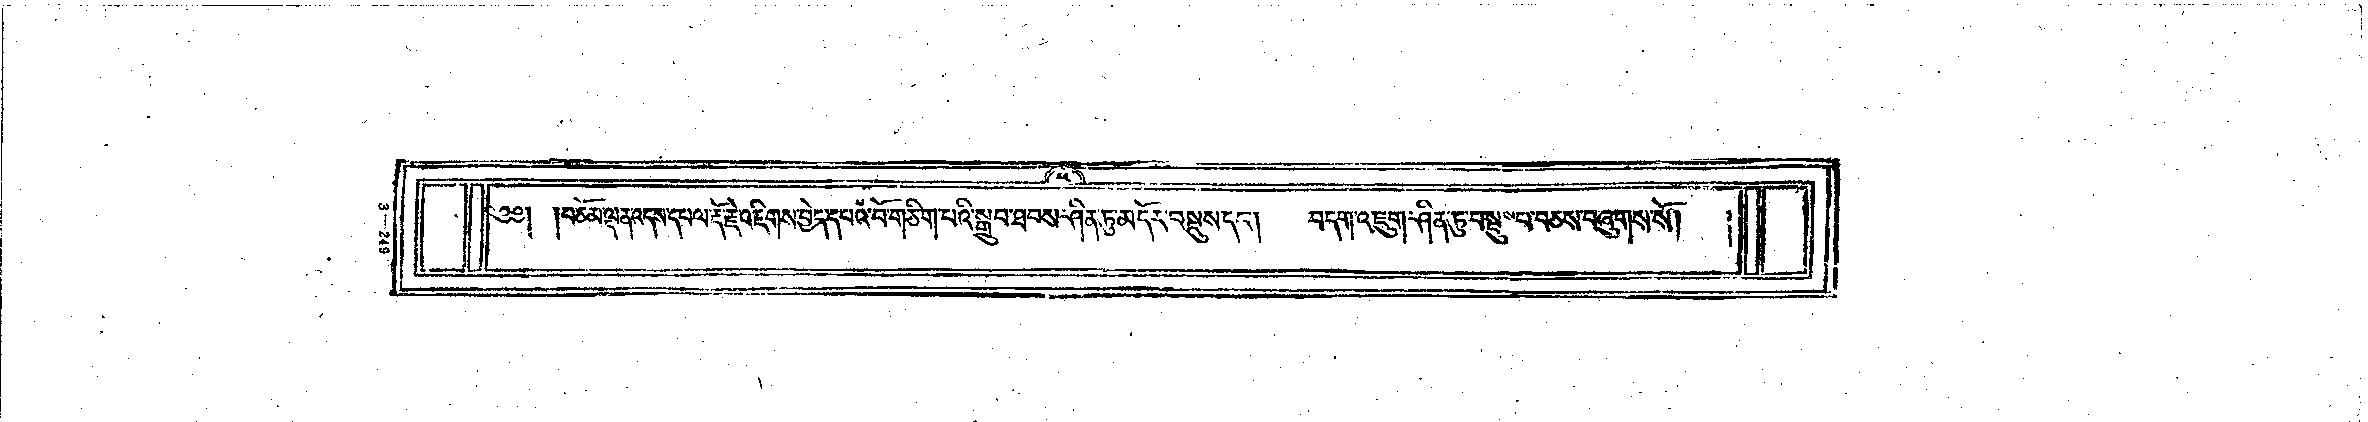༄༅། །བཅོམ་ལྡན་འདས་དཔལ་རྡོ་རྗེ་འཇིགས་བྱེད་དཔའ་བོ་གཅིག་པའི་སྒྲུབ་ཐབས་ཤིན་ཏུ་མདོར་བསྡུས་དང་། བདག་འཇུག་ཤིན་ཏུ་བསྡུས་པ་བཅས་བཞུགས་སོ། །